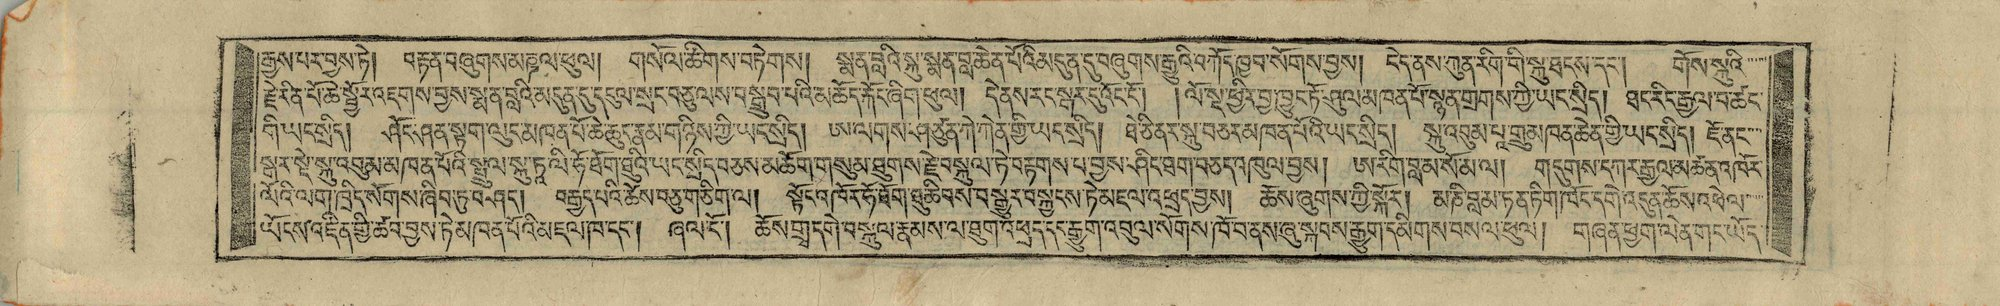རྒྱས་པར་བྱས་ཏེ། བརྟན་བཞུགས་མཎྜལ་ཕུལ། གསོལ་ཚིགས་བཏེགས། སྨན་བླའི་སྐུ་སྨན་བླ་ཆེན་པོའི་མདུན་དུ་བཞུགས་རྒྱུའི་བཀོད་ཁྱབ་སོགས་བྱས། ངེད་ནས་ཀུན་རིག་གི་སྐུ་ཐངས་དང་། གོས་སྐུའི་
རྗེ་རིན་པོ་ཆེ་སྦྱོར་འཇགས་བྱས་སྨན་བླའི་མདུན་དུ་དངུལ་སྲང་བཅུ་ལས་བསྒྲུབ་པའི་མཆོད་རྐོང་ཞིག་ཕུལ། དེ་ནས་རང་སྒར་དུ་འོང་ངོ། །ལོ་སྔ་ཕྱིར་བྱ་ཁྱུང་ཏོ་ཤུལ་མཁན་པོ་སྙན་གྲགས་ཀྱི་ཡང་སྲིད། ཐང་རིང་རྒྱལ་བ་ཚང་
གི་ཡང་སྲིད། ཤོང་ཤན་སྟག་ལུང་མཁན་པོ་ཆེ་ཆུང་རྣམ་གཉིས་ཀྱི་ཡང་སྲིད། ཨ་ལགས་ཤ་ཙུན་ཀེ་ཀེན་གྱི་ཡང་སྲིད། ཐེ་ཅི་ནར་སྐུ་བཅར་མཁན་པོའི་ཡང་སྲིད། སྐུ་འབུམ་པཱ་གྲུ་མཁན་ཆེན་གྱི་ཡང་སྲིད། ཇོ་ནང་
སྒར་སྡེ་སྐུ་འབུམ་མཁན་པོའི་སྦྲུལ་སྐུ་ཏཱ་ལི་ཧོ་ཐོག་ཐུའི་ཡང་སྲིད་བཅས་མཆོག་གསུམ་ཐུགས་རྗེ་བསྐུལ་ཏེ་བརྟགས་པ་བྱས་ཤིང་ཐག་བཅད་འཁུལ་བྱས། ཨ་རིག་བླ་མ་སོ་མ་ལ། གདུགས་དཀར་རྒྱལ་མཚན་འཁོར་
ལོའི་ལག་ཁྲིད་སོགས་ཞིབ་ཏུ་བཤད། བརྒྱད་པའི་ཚེས་བཅུ་གཅིག་ལ། སྟོང་འཁོར་ཧོ་ཐོག་ཐུ་ཆིབས་བསྒྱུར་བསྐྱངས་ཏེ་མཇལ་འཕྲད་བྱས། ཆོས་ཞུགས་ཀྱི་སྐོར། མ་ཎི་བླ་མ་ཏན་ཏིག་ཁོང་དགེ་འདུན་ཆོས་འཕེལ་
ཡོངས་འཛིན་གྱི་ཚབ་བྱས་ཏེ་མཁན་པོའི་མཇལ་ཁ་དང་། ཞལ་ངོ། ཆོས་གྲྭ་དགེ་བསྐུལ་རྣམས་ལ་ཐུག་འཕྲད་དང་རྒྱུག་འབུལ་སོགས་ཁོ་བ་ནས་ཞུ་སྐབས་རྒྱུག་དམིགས་བསལ་ཕུལ། གཞན་ཕྱག་ལེན་གང་ཡོད་